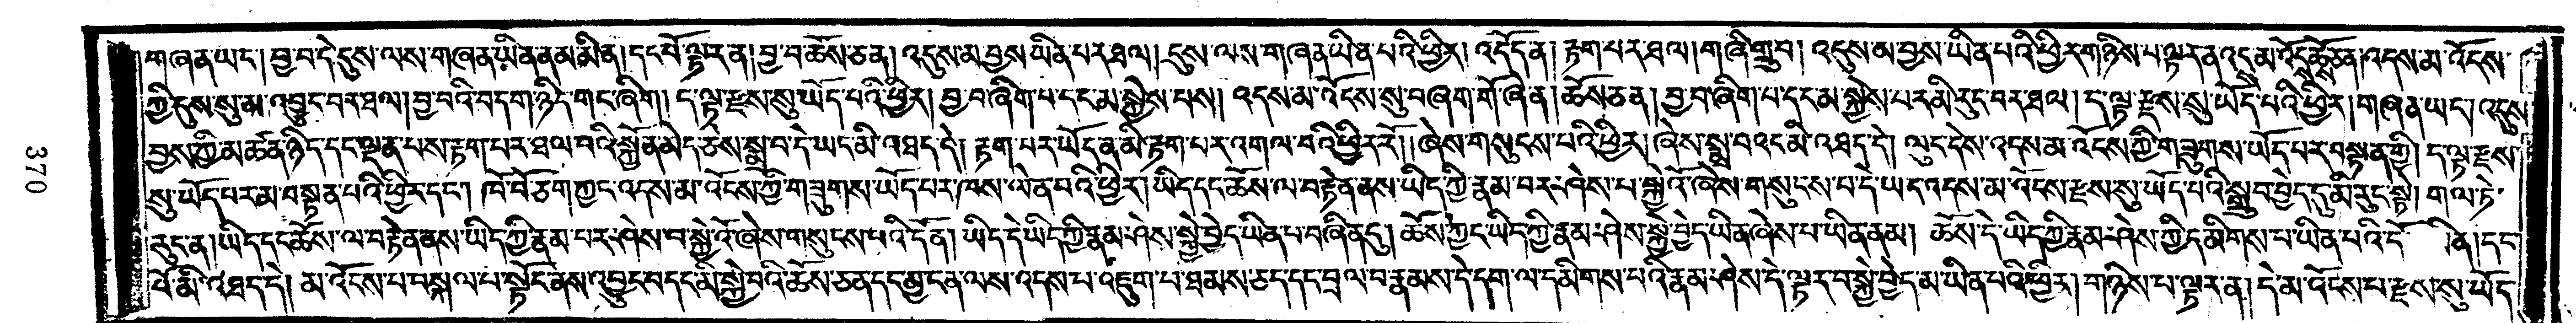གཞན་ཡང་། བྱ་བ་དེ་དུས་ལས་གཞན་ཡིན་ནམ་མིན། དང་པོ་ལྟར་ན། བྱ་བ་ཆོས་ཅན། འདུས་མ་བྱས་ཡིན་པར་ཐལ། དུས་ལས་གཞན་ཡིན་པའི་ཕྱིར། འདོད་ན། རྟག་པར་ཐལ། གཞི་གྲུབ། འདུས་མ་བྱས་ཡིན་པའི་ཕྱིར་གཉིས་པ་ལྟར་ན་འདས་མ་འོངས་ཆོས་ཅན། འདས་མ་འོངས་
ཀྱི་དུས་སུ་མ་འབྱུང་བར་ཐལ། བྱ་བའི་བདག་ཉིད་གང་ཞིག །ད་ལྟ་རྫས་སུ་ཡོད་པའི་ཕྱིར། བྱ་བ་ཞིག་པ་དང་མ་སྐྱེས་པས། འདས་མ་འོངས་སུ་བཞག་གོ་ཞེ་ན། ཆོས་ཅན། བྱ་བ་ཞིག་པ་དང་མ་སྐྱེས་པར་མི་རུང་བར་ཐལ། ད་ལྟ་རྫས་སུ་ཡོད་པའི་ཕྱིར། གཞན་ཡང་། འདུས་
བྱས་ཀྱི་མཚན་ཉིད་དང་ལྡན་པས་རྟག་པར་ཐལ་བའི་སྐྱོན་མེད་ཅེས་སྨྲ་བ་དེ་ཡང་མི་འཐད་དེ། རྟག་པར་ཡོད་ན་མི་རྟག་པར་འགལ་བའི་ཕྱིར་རོ། །ཞེས་གསུངས་པའི་ཕྱིར། ཞེས་སྨྲ་བའང་མི་འཐད་དེ། ལུང་དེས་འདས་མ་འོངས་ཀྱི་གཟུགས་ཡོད་པར་བསྟན་གྱི། ད་ལྟ་རྫས་
སུ་ཡོད་པར་མ་བསྟན་པའི་ཕྱིར་དང་། ཁོ་བོ་ཅག་ཀྱང་འདས་མ་འོངས་ཀྱི་གཟུགས་ཡོད་པར་ཁས་ལེན་པའི་ཕྱིར། ཡིད་དང་ཆོས་ལ་བརྟེན་ནས་ཡིད་ཀྱི་རྣམ་པར་ཤེས་པ་སྐྱེའོ་ཞེས་གསུངས་པ་དེ་ཡང་འདས་མ་འོངས་རྫས་སུ་ཡོད་པའི་སྒྲུབ་བྱེད་དུ་མི་རུང་སྟེ། གལ་ཏེ་
རུང་ན། ཡིད་དང་ཆོས་ལ་བརྟེན་ནས་ཡིད་ཀྱི་རྣམ་པར་ཤེས་པ་སྐྱེའོ་ཞེས་གསུངས་པའི་དོན། ཡིད་དེ་ཡིད་ཀྱི་རྣམ་ཤེས་སྐྱེ་བྱེད་ཡིན་པ་བཞིན་དུ། ཆོས་ཀྱང་ཡིད་ཀྱི་རྣམ་ཤེས་སྐྱེ་བྱེད་ཡིན་ཞེས་པ་ཡིན་ནམ། ཆོས་དེ་ཡིད་ཀྱི་རྣམ་ཤེས་ཀྱི་དམིགས་པ་ཡིན་པའི་དོན་ཡིན། དང་
པོ་མི་འཐད་དེ། མ་འོངས་པ་བསྐལ་པ་སྟོང་ནས་འབྱུང་བ་དང་མི་སྐྱེ་བའི་ཆོས་ཅན་དང་མྱ་ངན་ལས་འདས་པ་འཇུག་པ་ཐམས་ཅད་དང་བྲལ་བ་རྣམས་དེ་དག་ལ་དམིགས་པའི་རྣམ་ཤེས་ད་ལྟར་བ་སྐྱེ་བྱེད་མ་ཡིན་པའི་ཕྱིར། གཉིས་པ་ལྟར་ན། དེ་མ་འོངས་པ་རྫས་སུ་ཡོ་